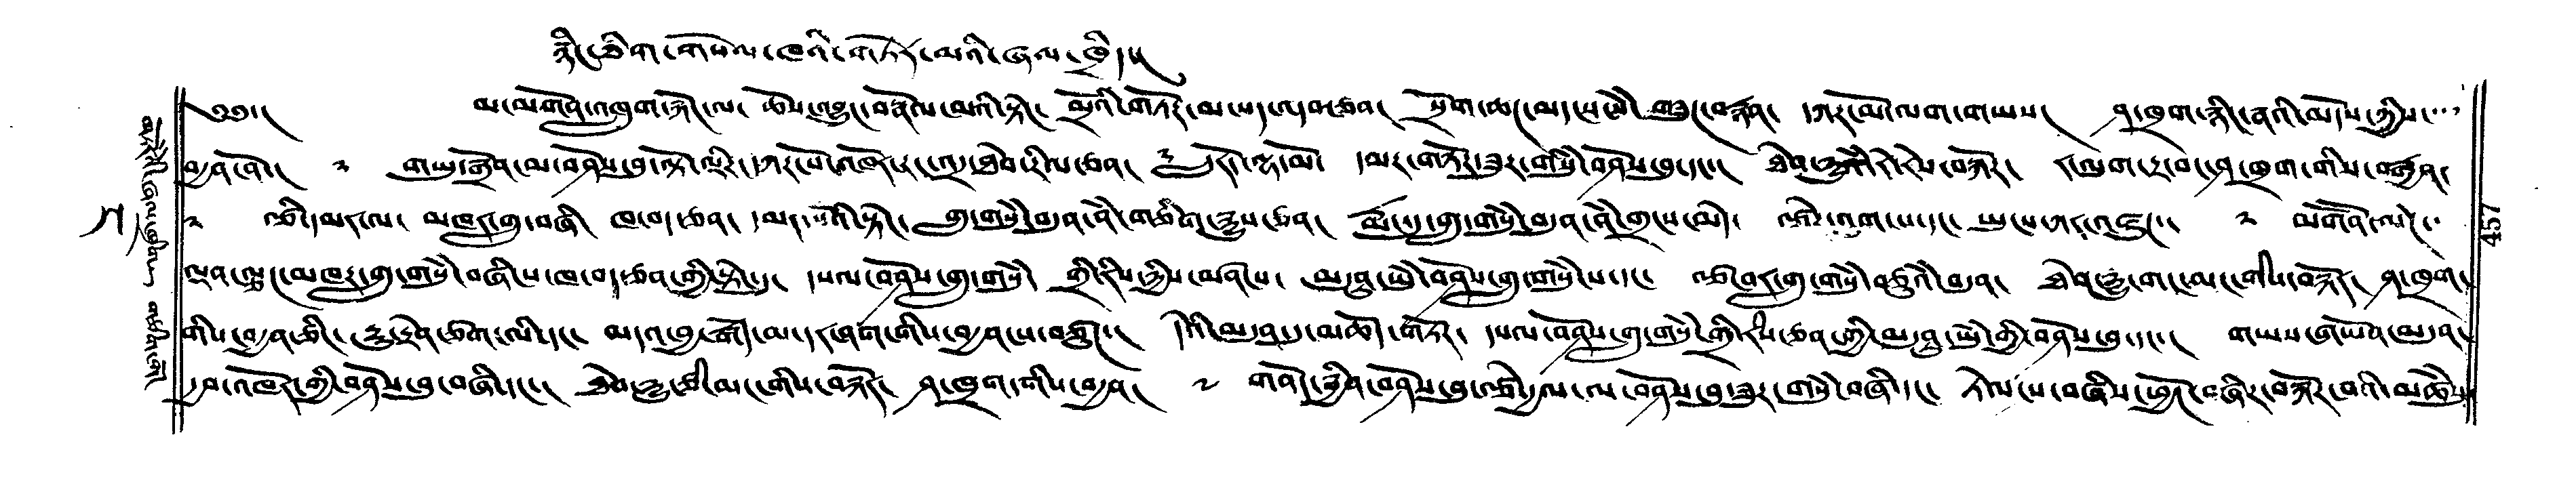༄༅། སྙིང་ཐིག་གསོལ་ཁའི་གཏོར་མའི་ཞལ་ཁྲིད། མ་མོ་འཁྲུག་སྐོང་ལ། ཆོས་འབྱུང་བསྣོལ་མའི་སྟེང་། མཁའ་འགྲོའི་གཏོར་མ་པད་འདབ་ཅན། སྲོག་ཆགས་མདངས་སམ་གཟུགས་བརྙན། དཀར་མོ་ལག་གཡས། ཤ་ཁྲག་སྙིང་སྣ་མདོས་ཀྱི་
བརྒྱན་ནོ། གཡུ་སྒྲོན་མ་བཤོས་བུ་ལྟོ་ལྡིར་དཀར་པོ་འཁོར་རང་འདྲ་མཐེབ་རིལ་ཅན། དུར་ཁྲོད་ལྷ་མོ། དམར་གཏོར་ཟུར་གསུམ་བཤོས་བུ་དང་། མཐེབ་སྐྱུ་རེ་རེས་བསྐོར། ར་ལུག་རྟ་བོང་ཤ་ཁྲག་གིས་བརྒྱན། 
ཙིའུ་དམར་ལ། མཁར་གྲུ་བཞི། ཁ་བད་ཅན་དམར་པོའི་སྟེང་། གྲུ་གསུམ་བདུན་ནམ་གཅིག་གཅུས་ཅན། རྨང་དུ་གྲུ་གསུམ་བདུན་ནམ་གྲངས་མེད། རྩེར་འུག་པ་དང་། ཡུངས་དཀར་འཛུགས། མགོན་པོ་ལེགས་
ལྡན་ལྕགས་མཁར་གྲུ་གསུམ་བཞི་པ་ཁ་བད་ཅན་གྱི་སྟེང་དུ། དཔལ་བཤོས་གྲུ་གསུམ། གྲི་རིས་ཀྱིས་མཚན་པ། མདུན་དུ་ཡུམ་བཤོས་གྲུ་གསུམ་པ་དང་། རྩ་བར་གྲུ་གསུམ་བཅུའམ་བདུན། མཐེབ་སྐྱུ་གང་མང་གིས་བསྐོར། ཤ་ཁྲག་
གིས་བརྒྱན་ཅིང་། སྐུ་རྟེན་ཙཀ་ལི་དང་། མདའ་བྱ་རྒོད་མ་དར་ནག་གིས་བརྒྱན་པ་བཙུགས། དེའི་མདུན་དུ་མཆོད་གཏོར་དཔལ་བཤོས་གྲུ་གསུམ་གྲི་རིས་ཅན་གྱི་མདུན་དུ་ཡུམ་གྱི་བཤོས་བུ་དང་། གཡས་གཡོན་མདུན་
རྒྱབ་འཁོར་གྱི་བཤོས་བུ་བཞི་དང་། མཐེབ་སྐྱུ་ཅི་མང་གིས་བསྐོར། ཤ་ཁྲག་གིས་བརྒྱན། གནོད་སྦྱིན་བཤོས་བུ་རྩེ་རྒྱལ་ལ་བཤོས་བུ་ཟུར་གསུམ་བཞི་དང་། ཏེལ་པ་བཞིས་ཕྱོགས་བཞིར་བསྐོར་བའི་མཚམས་སུ་